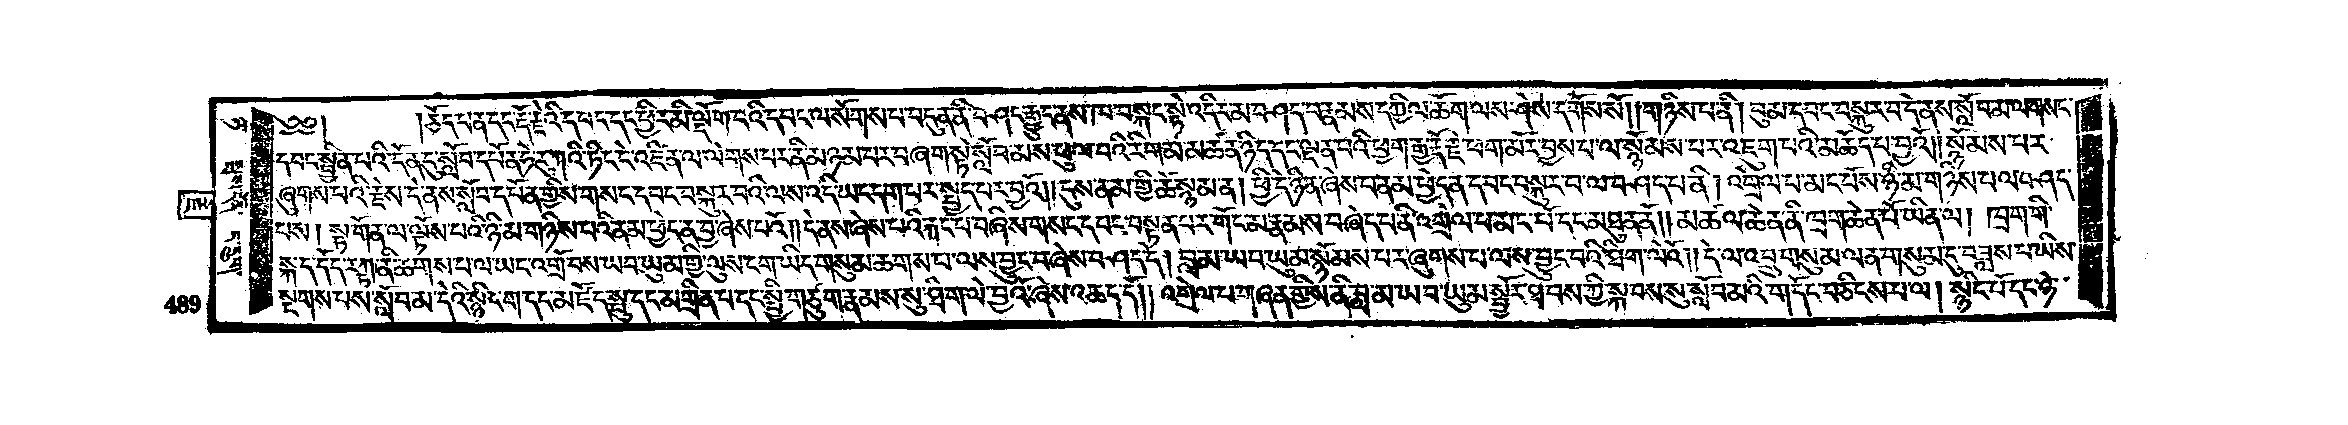༄༅། །ཅོད་པན་དང་རྡོ་རྗེའི་དབང་དང་ཕྱིར་མི་ལྡོག་པའི་དབང་ལ་སོགས་པ་བདུན་ནི་བཤད་རྒྱུད་ནས་ཁ་བསྐང་སྟེ་འདིར་མ་བཤད་པ་རྣམས་དཀྱིལ་ཆོག་ལས་ཤེས་དགོས་སོ། །གཉིས་པ་ནི། བུམ་དབང་བསྐུར་བ་དེ་ནས་སློབ་མ་ལ་གསང་
དབང་སྦྱིན་པའི་དོན་དུ་སློབ་དཔོན་ཧེ་རུ་ཀའི་ཏིང་ངེ་འཛིན་ལ་ལེགས་པར་ནི་མཉམ་པར་བཞག་སྟེ་སློབ་མས་ཕུལ་བའི་རིག་མ་མཚན་ཉིད་དང་ལྡན་པའི་ཕྱག་རྒྱ་རྡོ་རྗེ་ཕག་མོར་བྱས་པ་ལ་སྙོམས་པར་འཇུག་པའི་མཆོད་པ་བྱའོ། །སྙོམས་པར་
ཞུགས་པའི་རྗེས་དེ་ནས་སློབ་དཔོན་གྱིས་གསང་དབང་བསྐུར་བའི་ལས་འདི་ཡང་དག་པར་སྤྱད་པར་བྱའོ། །དུས་ནམ་གྱི་ཚེ་སྙམ་ན། ཕྱི་དེ་ཉིན་ཞེས་པ་ནམ་ཕྱེད་ན་དབང་བསྐུར་བ་ལ་བཤད་པ་ནི། འགྲེལ་པ་མང་པོས་ཉི་མ་གཉིས་པ་ལ་བཤད་
པས། སྟ་གོན་ལ་ལྟོས་པའི་ཉི་མ་གཉིས་པའི་ནམ་ཕྱེད་ན་བྱ་ཞེས་པའོ། །དེ་ནས་ཞེས་པའི་རྐང་པ་བཞིས་གསང་དབང་བསྟན་པར་གོང་མ་རྣམས་བཞེད་པ་ནི་འགྲེལ་པ་མང་པོ་དང་མཐུན་ནོ། །མཚལ་ཆེན་ནི་ཁྲག་ཆེན་པོ་ཡིན་ལ། ཁྲག་གི་
སྐད་དོད་རཀྟ་ནི་ཆགས་པ་ལ་ཡང་འགྲོ་བས་ཡབ་ཡུམ་གྱི་ལུས་ངག་ཡིད་གསུམ་ཆགས་པ་ལས་བྱུང་བ་ཞེས་བཤད་དེ། བླ་མ་ཡབ་ཡུམ་སྙོམས་པར་ཞུགས་པ་ལས་བྱུང་བའི་ཐིག་ལེའོ། །དེ་ལ་འབྲུ་གསུམ་ལན་གསུམ་དུ་བཟླས་པ་ཡིས་
སྔགས་པས་སློབ་མ་དེའི་སྙིང་ག་དང་མཛོད་སྤུ་དང་མགྲིན་པ་དང་སྤྱི་གཙུག་རྣམས་སུ་ཐིག་ལེ་བྱའོ་ཞེས་འཆད་དོ། །འགྲེལ་པ་གཞན་གྱིས་ནི་བླ་མ་ཡབ་ཡུམ་སྦྱོར་ཐབས་ཀྱི་སྐབས་སུ་སློབ་མའི་གདོང་བཅིངས་པ་ལ། སྙིང་པོ་དང་ཉེ་